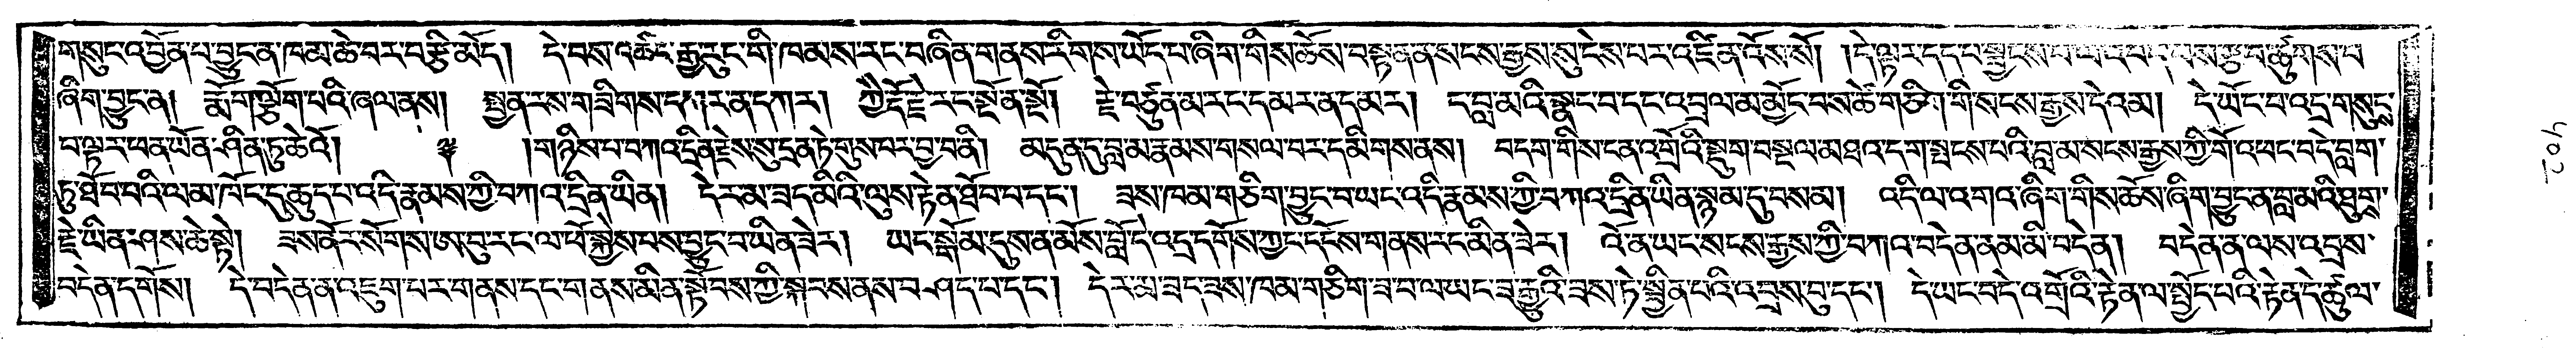གསུང་འབྱོན་པ་བྱུང་ན་ཁམ་ཆེ་བར་བརྩི་མོད། དེ་བས་འཚང་རྒྱ་རུང་གི་ཁམས་རང་བཞིན་གནས་རིགས་ཡོད་པ་ཞིག་གིས་ཆོས་བསྟན་ན་སངས་རྒྱས་སུ་ངེས་པར་འཛིན་འོས་སོ། །དེ་ལྟར་དད་པ་སྦྱངས་པ་ལ་འབད་པས་རྩ་བ་ཚུགས་པ་
ཞིག་བྱུང་ན། རྨོག་ལྕོག་པའི་ཞལ་ནས། སྤྱན་རས་གཟིགས་དཀར་ན་དཀར། ཀྱཻ་རྡོ་རྗེ་རང་སྔོན་སྔོ། རྗེ་བཙུན་མ་རང་དམར་ན་དམར། ད་བླ་མའི་སྣང་བ་དང་འབྲལ་མ་མྱོང་བས་ཚེ་གཅིག་གི་སངས་རྒྱས་དེའམ། དེ་ཡོང་བ་འདྲ་གསུང་
པ་ལྟར་ཕན་ཡོན་ཤིན་ཏུ་ཆེའོ། །༈ །གཉིས་པ་བཀའ་འདྲིན་རྗེས་སུ་དྲན་ཏེ་གུས་པར་བྱ་བ་ནི། མདུན་དུ་བླ་མ་རྣམས་གསལ་བར་དམིགས་ནས། བདག་གིས་ངན་འགྲོའི་སྡུག་བསྔལ་མཐའ་དག་སྤངས་པའི་བླ་མ་སངས་རྒྱས་ཀྱི་གོ་འཕང་བདེ་བླག་
ཏུ་ཐོབ་པའི་ལམ་ཁོང་དུ་ཆུད་པ་འདི་རྣམས་ཀྱི་བཀའ་དྲིན་ཡིན། དེར་མ་ཟད་མིའི་ལུས་རྟེན་ཐོབ་པ་དང་། ཟས་ཁམ་གཅིག་བྱུང་བ་ཡང་འདི་རྣམས་ཀྱི་བཀའ་དྲིན་ཡིན་སྙམ་དུ་བསམ། འདི་ལ་འགའ་ཞིག་གིས་ཆོས་ཞིག་བྱུང་ན་བླ་མའི་ཐུགས་
རྗེ་ཡིན་ཤས་ཆེ་སྟེ། ཟས་ནོར་སོགས་ཨ་བུ་རང་ལ་ཕོ་སྐྱེས་པས་བྱུང་བ་ཡིན་ཟེར། ཡང་སྒོམ་དུས་ན་མོས་བློ་དེ་འདྲ་དགོས་ཀྱང་དངོས་གནས་རང་མིན་ཟེར། འོ་ན་ཡང་སངས་རྒྱས་ཀྱི་བཀའ་བདེན་ནམ་མི་བདེན། བདེན་ན་ལས་འབྲས་
བདེན་དགོས། དེ་བདེན་ན་འཇུག་པར་གནས་དང་གནས་མིན་སྟོབས་ཀྱི་སྐབས་ནས་བཤད་པ་དང་། དེར་མ་ཟད་ཟས་ཁམ་གཅིག་ཟ་བ་ལ་ཡང་ཟ་རྒྱུའི་ཟས་ཏེ་སྦྱིན་པའི་འབྲས་བུ་དང་། དེ་ཡང་བདེ་འགྲོའི་རྟེན་ལ་སྤྱོད་པའི་རྟེན་དེ་ཚུལ་